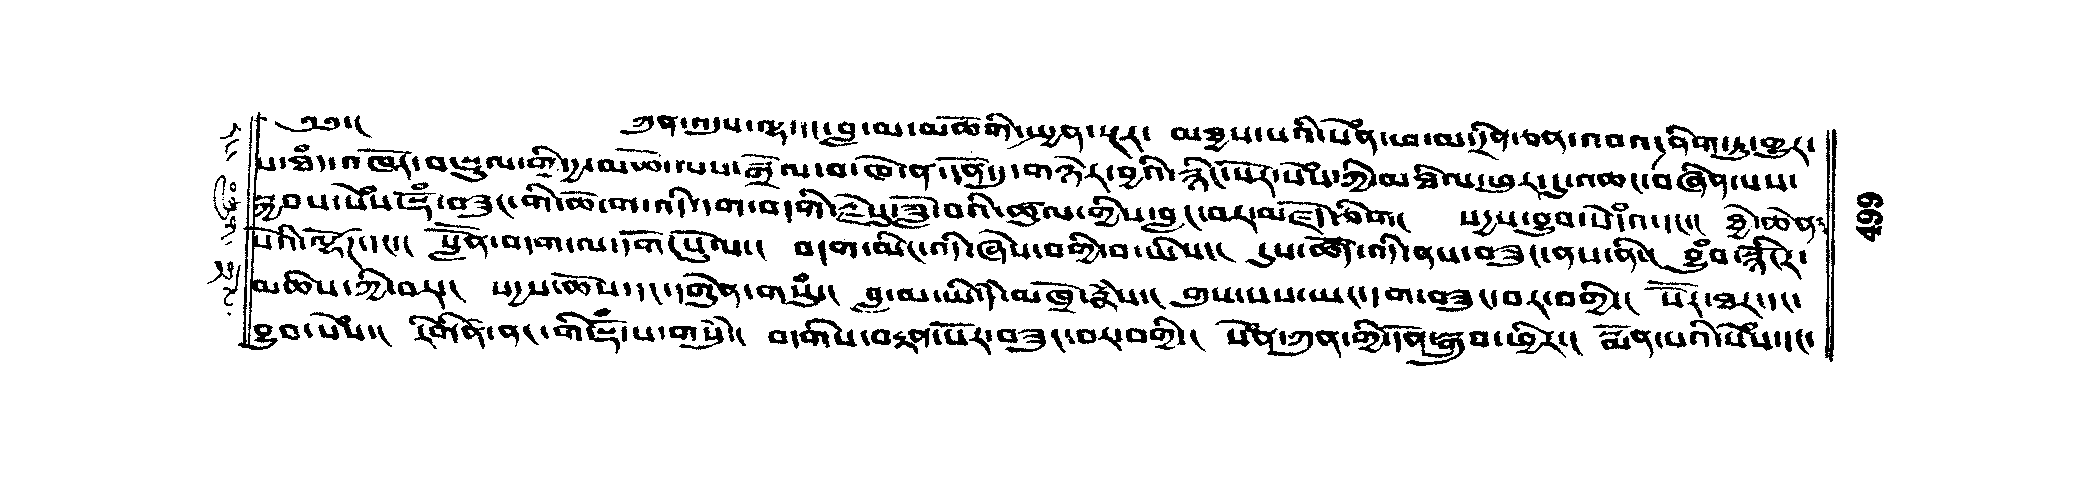ཀུན་འདུས་ལྷ་དང་བླ་མ་མཆོག་གི་སྤྱན་སྔར། མཐའ་ཡས་པའི་སེམས་ཅན་ཕ་མ་དྲིན་ཆེན་འབའ་ཞིག་ཏུ་གྱུར་
པ་ཐམས་ཅད་འཁོར་བ་སྡུག་བསྔལ་གྱི་རྒྱ་མཚོ་ལས་སྒྲོལ་བ་ཁོ་ན་དོན་དུ་གཉེར་བྱའི་སྙིང་པོར་སེམས་ཀྱི་མཐིལ་ཕུར་དུ་འཆང་བཞིན་པས་
སྐྱབས་སེམས་སྡོམ་བཟུང་གི་ཆོ་ག་འདི་དག་བདག་གི་རྗེས་སུ་ཟློ་བའི་ཚུལ་གྱིས་བླང་བར་མཛོད་ཅིག སངས་རྒྱས་བྱང་ཆུབ་སེམས་དཔའ་དང་། །ཐུགས་རྗེ་ཆེན་
པོའི་ལྷ་ཚོགས་དང་། །སློབ་དཔོན་བདག་ལ་དགོངས་སུ་གསོལ། །བདག་མིང་འདི་ཞེས་བགྱི་བ་ཡིས། །དུས་ཚོདའདི་ནས་བཟུང་ནས་ནི། །བྱང་ཆུབ་སྙིང་པོར་
མཆིས་ཀྱི་བར། །སངས་རྒྱས་ཆོས་དང་དཀོན་མཆོག་གསུམ། །བླ་མ་ཡི་དམ་མཁའ་འགྲོ་རྣམས། །གུས་པས་ཡང་དག་བཟུང་བར་བགྱི། །སོ་སོ་ཐར་དང་
བྱང་ཆུབ་སེམས། །རིག་འཛིན་ནང་གི་སྡོམ་པ་གསུམ། །བདག་གིས་བརྟན་པོར་བཟུང་བར་བགྱི། །སེམས་ཅན་ཀུན་གྱི་དོན་སྒྲུབ་ཕྱིར། །སྨོན་པའི་སེམས་